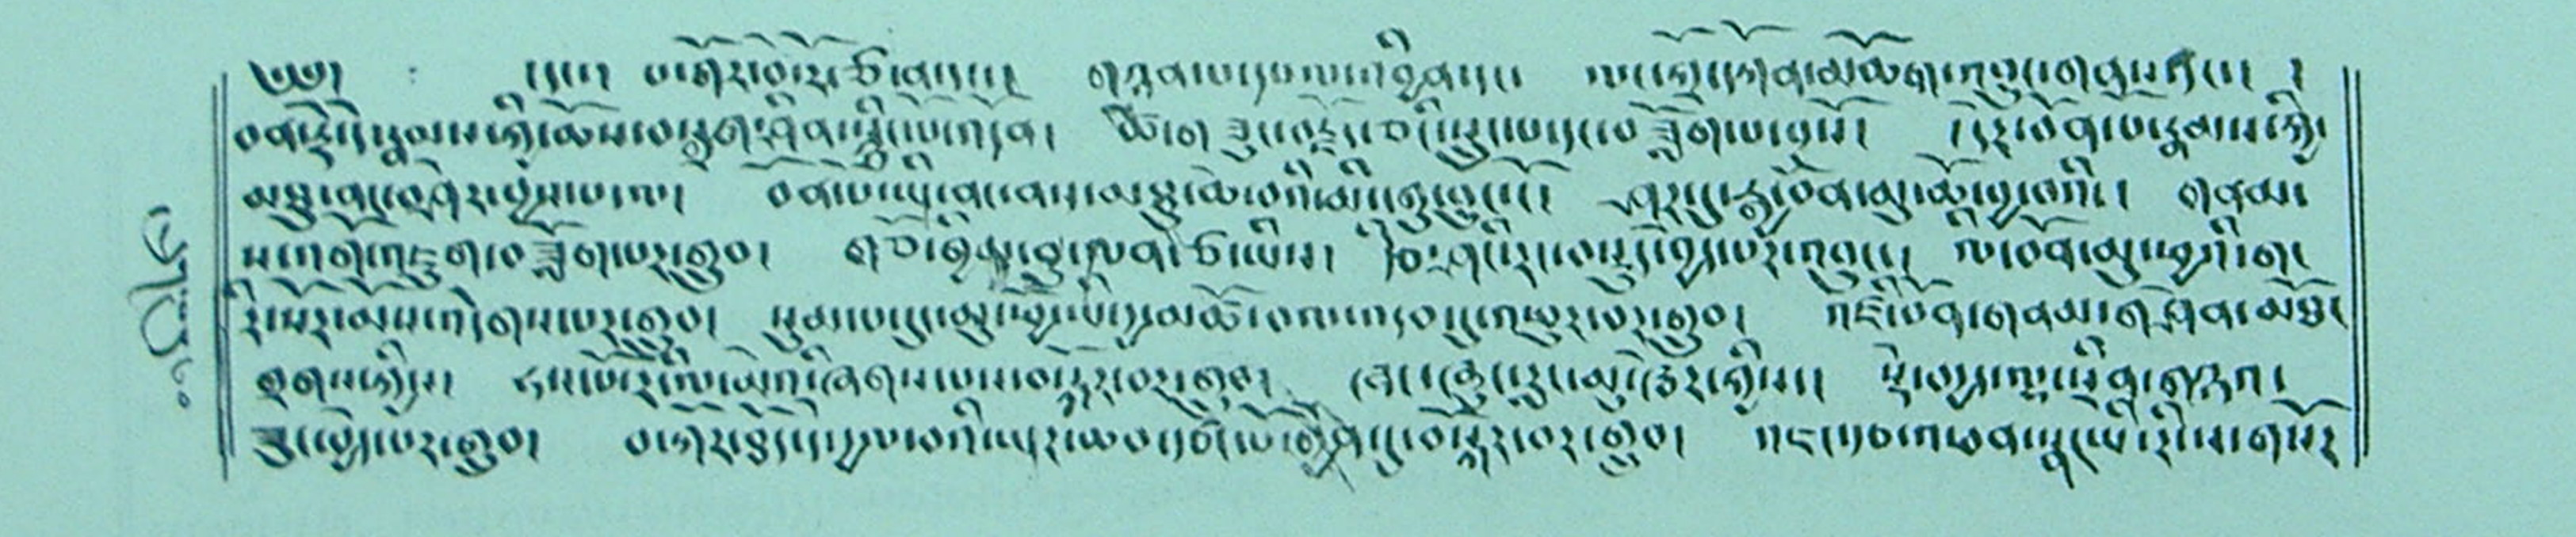༄༅། །དང་། བ་གོར་བྷེ་རོ་ཙ་ན་དང་། གཉན་པ་དཔལ་འབྱིན་དང་། ལང་ཀྲོ་དཀོན་མཆོག་འབྱུང་གནས་དང་། 
བན་དྷེ་དེ་རྣམས་ཀྱིས་ཆོས་བསྒྲགས་ཤིན་སྙིང་པོ་འདོན། ཚེ་གཟུངས་བརྗོད་ཅིང་སྲུང་པ་དང་བཟློག་པསོ། །དེར་བོན་པོ་རྣམས་ཀྱིས་
མཐུ་ནང་གཤེར་བྱས་པ་ལ། བོན་པོ་ཡི་ནང་ནས་མཐུ་ཆེ་བའི་མི་དགུ་བྱུང་ངོ་། །ཤར་དུ་རྒྱ་བོན་མུ་ཆོ་བྱ་བའི། གནམ་
ས་མགོ་མཇུག་བཟློག་པར་གྲུབ། གཅོ་གྱིམ་བུ་ལན་ཙ་ཡིས། རྩི་ཤིང་རང་སྡུད་བྱེད་པར་འབྱུང་། ལི་བོན་མུ་ཕྱའི་གངས་
རི་སོར་མོས་འདེབས་པར་གྲུབ། སུམ་པ་དྲུང་མུ་ཕྱོ་ཡིས་རྒྱ་མཚོ་བལ་འདབ་ཏུ་འཕུར་བར་གྲུབ། འཛི་བོན་གནམ་གཤེན་མཐོང་
གྲགས་ཀྱིས། ཧས་པོ་རི་ལ་མེའི་ཞགས་པས་བསྐོར་པར་གྲུབ། ཞང་ཞུང་རླང་མུ་ཝེར་གྱི། སྡེ་བརྒྱད་ལྷ་སྲིན་གཉའ་
ཟུང་བྱེད་པར་གྲུབ། བ་ཀོར་ཐོད་དེ་རྒྱལ་བའི་ཡར་ཆབ་རྩང་པོ་གྱེན་དུ་བསྐོར་བར་གྲུབ། འཇང་རྩ་འཕན་སྣང་གིས་རི་ས་གསོར་